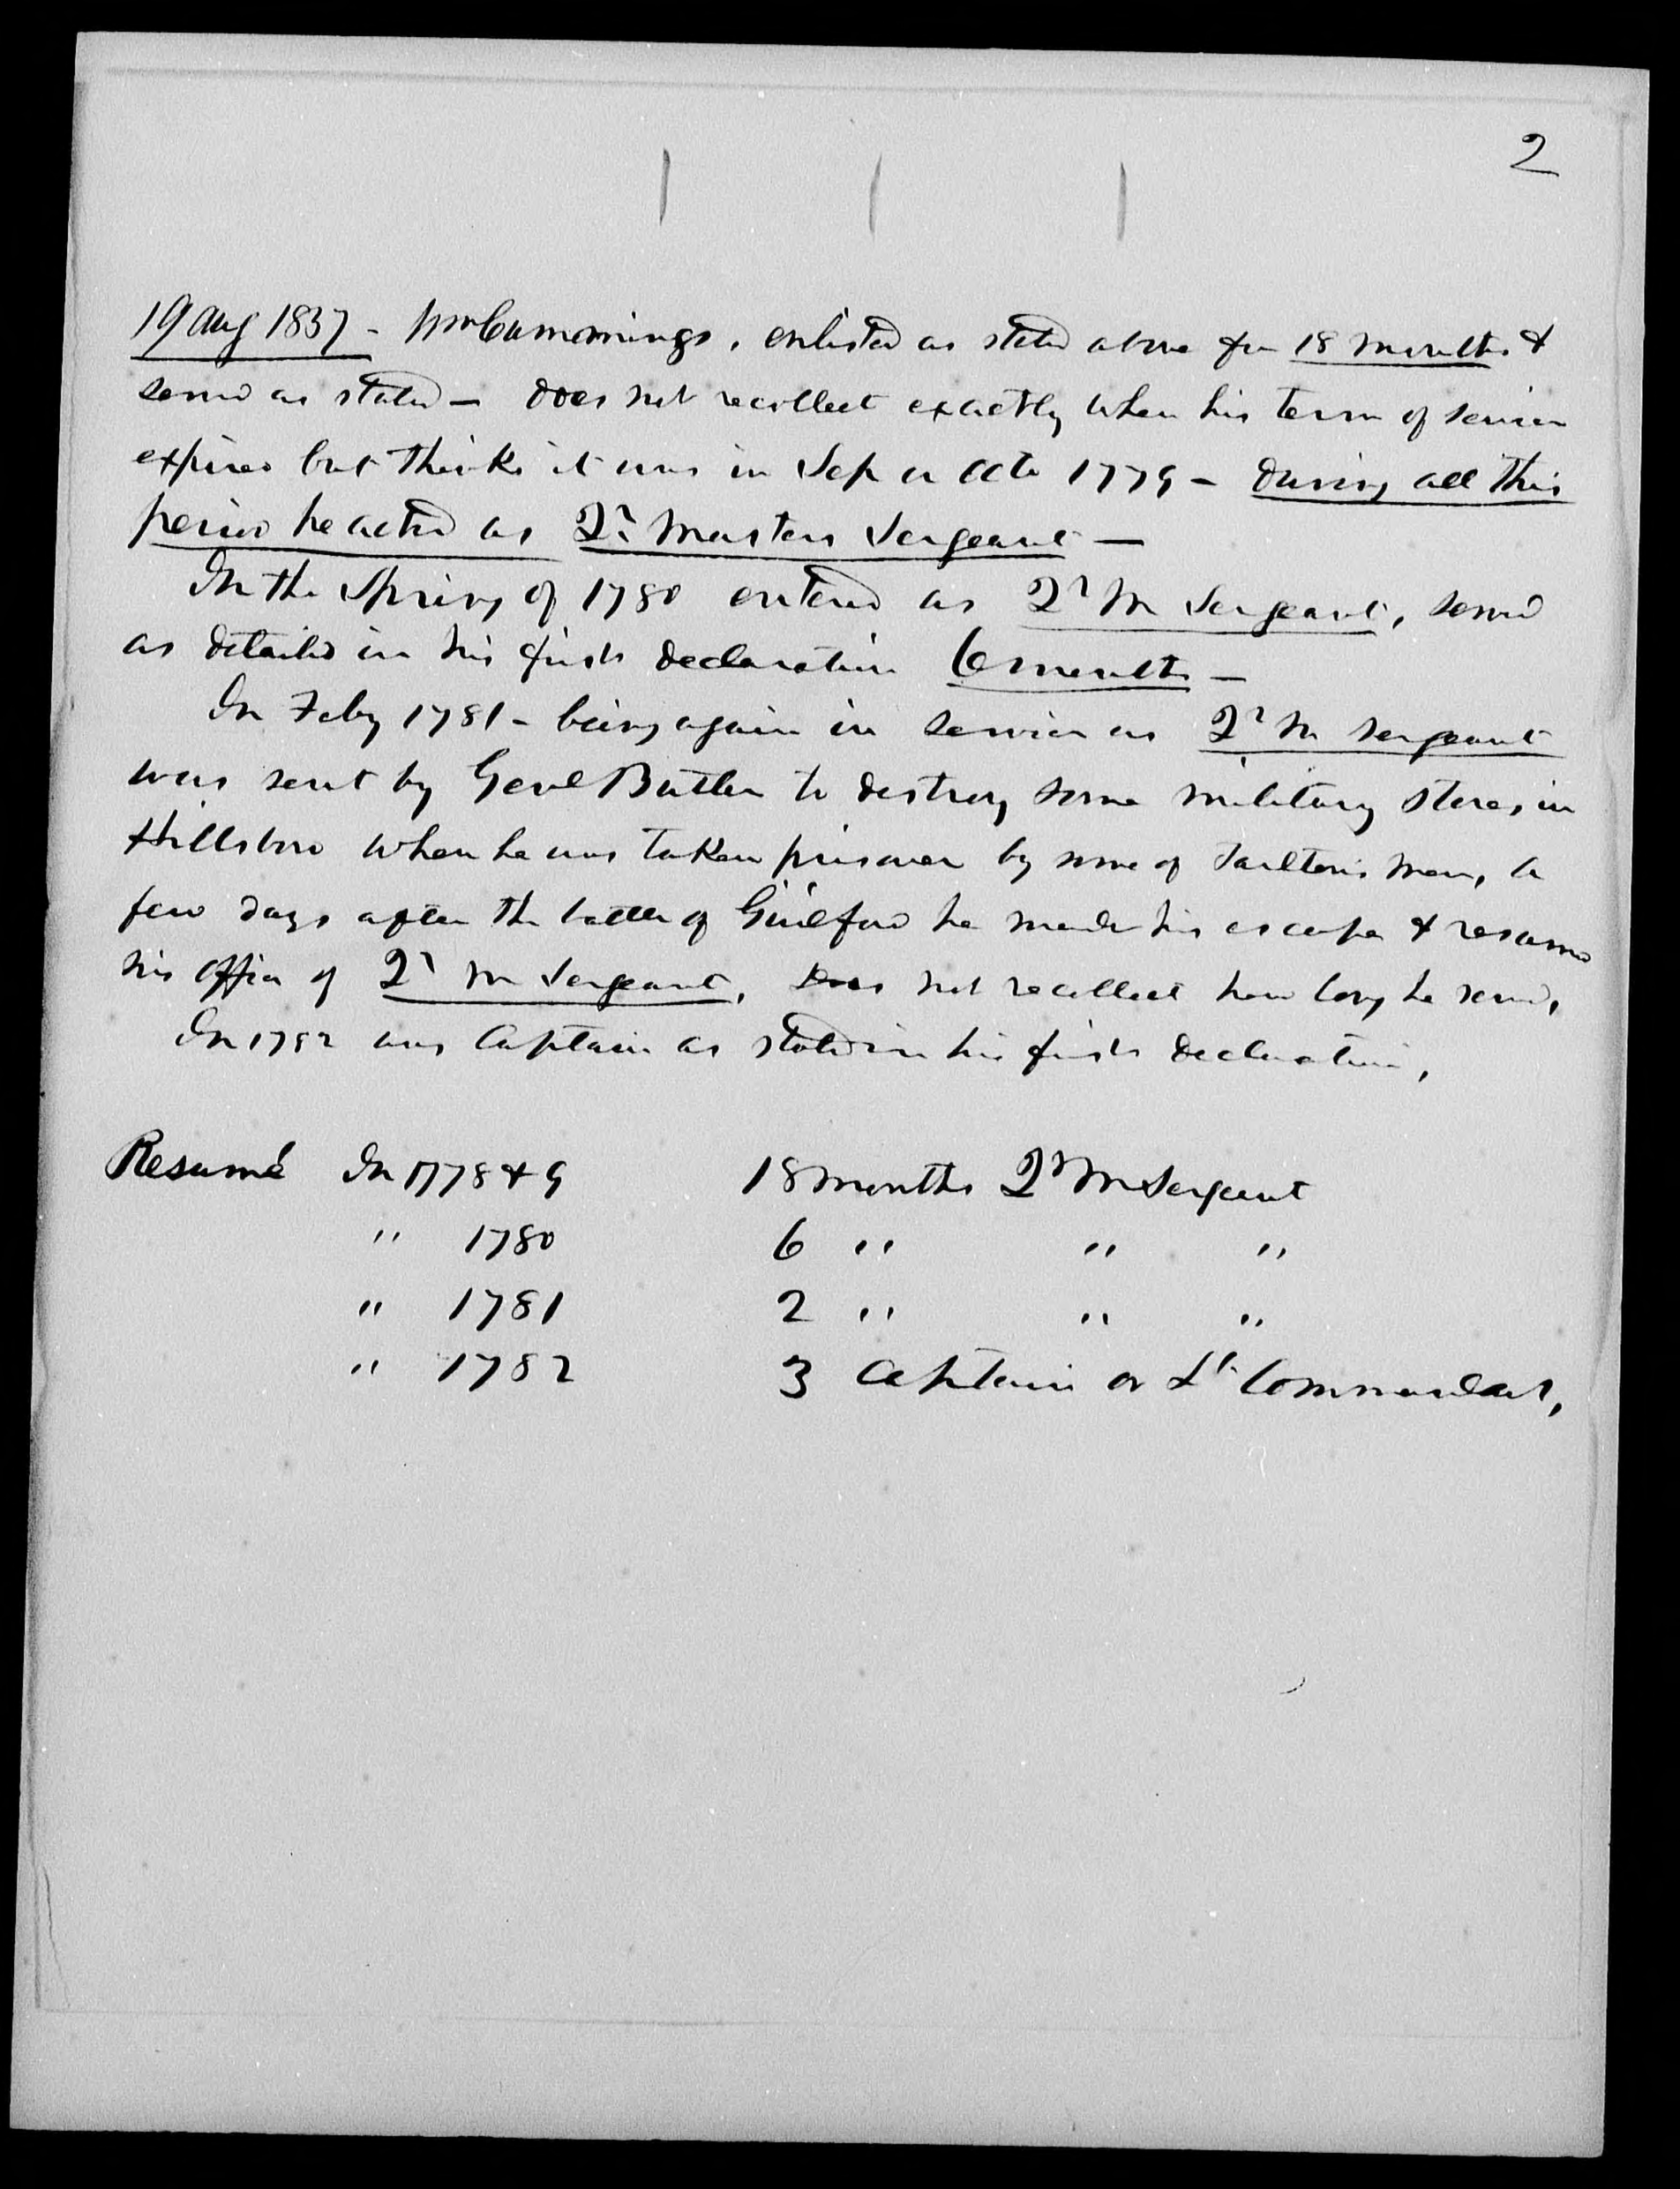[Page 2 of handwritten account.  Occasional spacing has been included to make the text block easier to read.]

[The following date is underlined] 19 Aug 1837 [Although the year looks like 1857, it probably was 1837, based on context.] - Wm Cummings, enlisted as stated above for [here the following time frame is underlined:] 18 months. and served as stated - does not recollect exactly when his term of service expires but thinks it was in Sept or [?] Oct 1779 - [here the following phrase is underlined:]  during all this period he acted as Qr. Masters Sergeant - 

In the Spring of 1780 entered as QrM [Quarter Master] Sergeant, [this rank was underlined], served as detailed in his first declaration [here the following time frame is underlined:] 6 months. - 

In Feby 1781 - being again in Service as [here the following rank is underlined:]  QrM. [Quarter Master] Sergeant, was sent by Genl [General] Butler to destroy some military stores in Hillsboro when he was taken prisoner by some of Tarlton's men, a few days after the battle of Guilford he made his escape and resumed his office of [here the rank is underlined:] Q' M Sergeant, Does not recollect how long he served, 

In 1782 was Captain as stated in his first declaration, 

Resume [with accent grave punctuation mark above the last "e" in "Resume," apparently meaning Cumming's resume of service:]

In 1778 and 9 [1779]         18 months QrM Sergeant [Quarter Master Sergeant]
" [In] 1780                           6 " [months]  " " [QrM Sergeant, or Quarter Master Sergeant]
" [In] 1781                           2 " [months]  " " [QrM Sergeant, or Quarter Master Sergeant]
" [In] 1782                           3 " [months] captain or Lt. [Lieutenant] Commander,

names: Wm Cummings, Butler, Tarlton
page: 54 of 145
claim: survivor's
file: S. 8265, William Cumming, N.C.